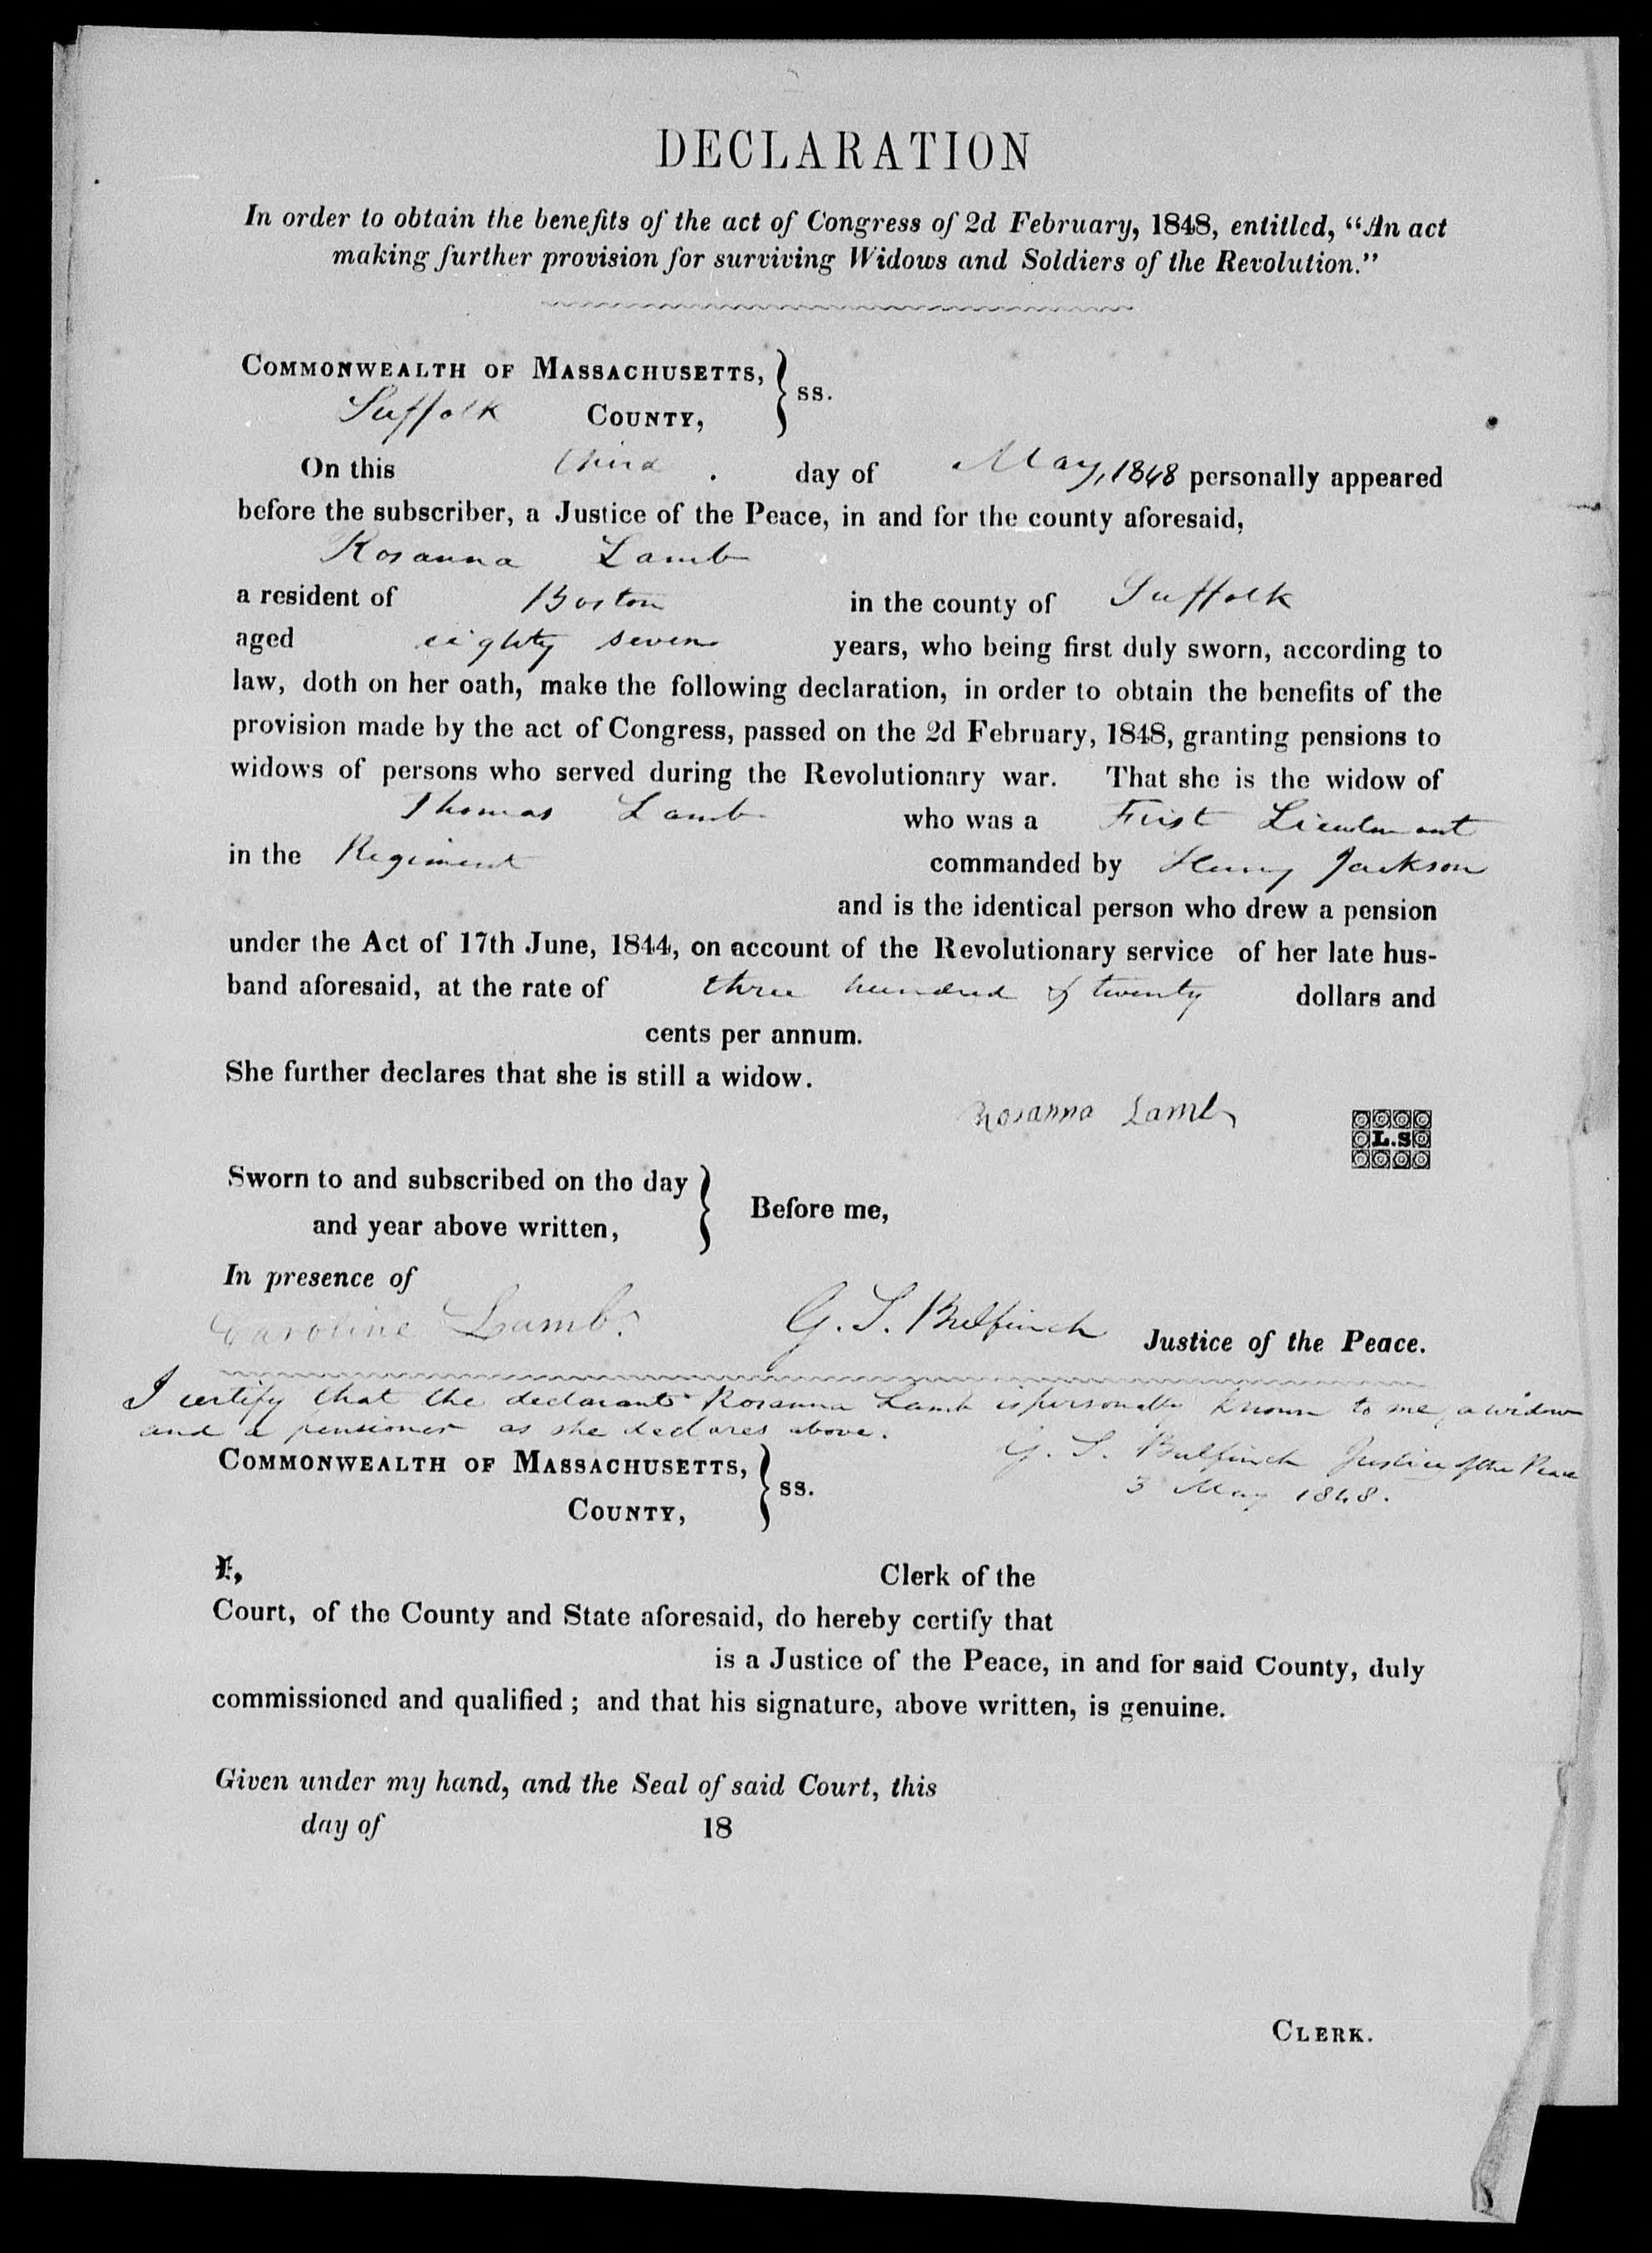DECLARATION
In order to obtain the benefits of the act of Congress of 2d February, 1848, entitled "An act making further provisions for surviving Widows and Soldiers of the Revolution."
____________________
COMMONWEALTH OF MASSACHUSETTS,
Suffolk COUNTY, } ss.

On this third day of May, 1868 personally appeared before the subscriber, a Justice of the Peace, in and for the county aforesaid, Rosanna Lamb a resident of Boston the county of Suffolk aged eighty seven years, who being first duly sworn, according to law, doth on her oath, make the following declaration, in order to obtain the benefits of the provision made by the act of Congress, passed on the 2d February, 1848, granting pensions to widows of persons who served during the Revolutionary war. That she is the widow of Thomas Lamb who was a First Lieutenant in the Regiment commanded by Henry Jackson and is the identical person who drew a pension under the Act of 17th June, 1844, on account of the Revolutionary service of her late husband aforesaid, at the rate of three hundred & twenty dollars and ____ cents per annum.
She further declares that she is still a widow.
Rosanna Lamb
Sworn to and subscribed on the day and year above written} Before me,
G. S. Bulfinch Justice of the Peace.
In presence of
Caroline Lamb
____________________________
I certify that the declarant Rosanna Lamb is personally known to me a widow and a pensioner as she declares above. G. S. Bulfinch Justice of the Peace
3 May 1848.

COMMONWEALTH OF MASSACHUSETTS, _____ COUNTY,} ss.
I, ___________ Clerk of the _________ Court, of the County and State aforesaid, do hereby certify that ___________ is a Justice of the Peace, in and for said County, duly commissioned and qualified; and that his signature, above written, is genuine.
Given under my hand, and the Seal of said Court, this ______ day of _______ 18__

CLERK.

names: Rosanna Lamb; Henry Jackson; Thomas Lamb; Caroline Lamb; G S Bulfinch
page: 17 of 23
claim: widow's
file: W. 15010, for Thomas Lamb, Massachusetts